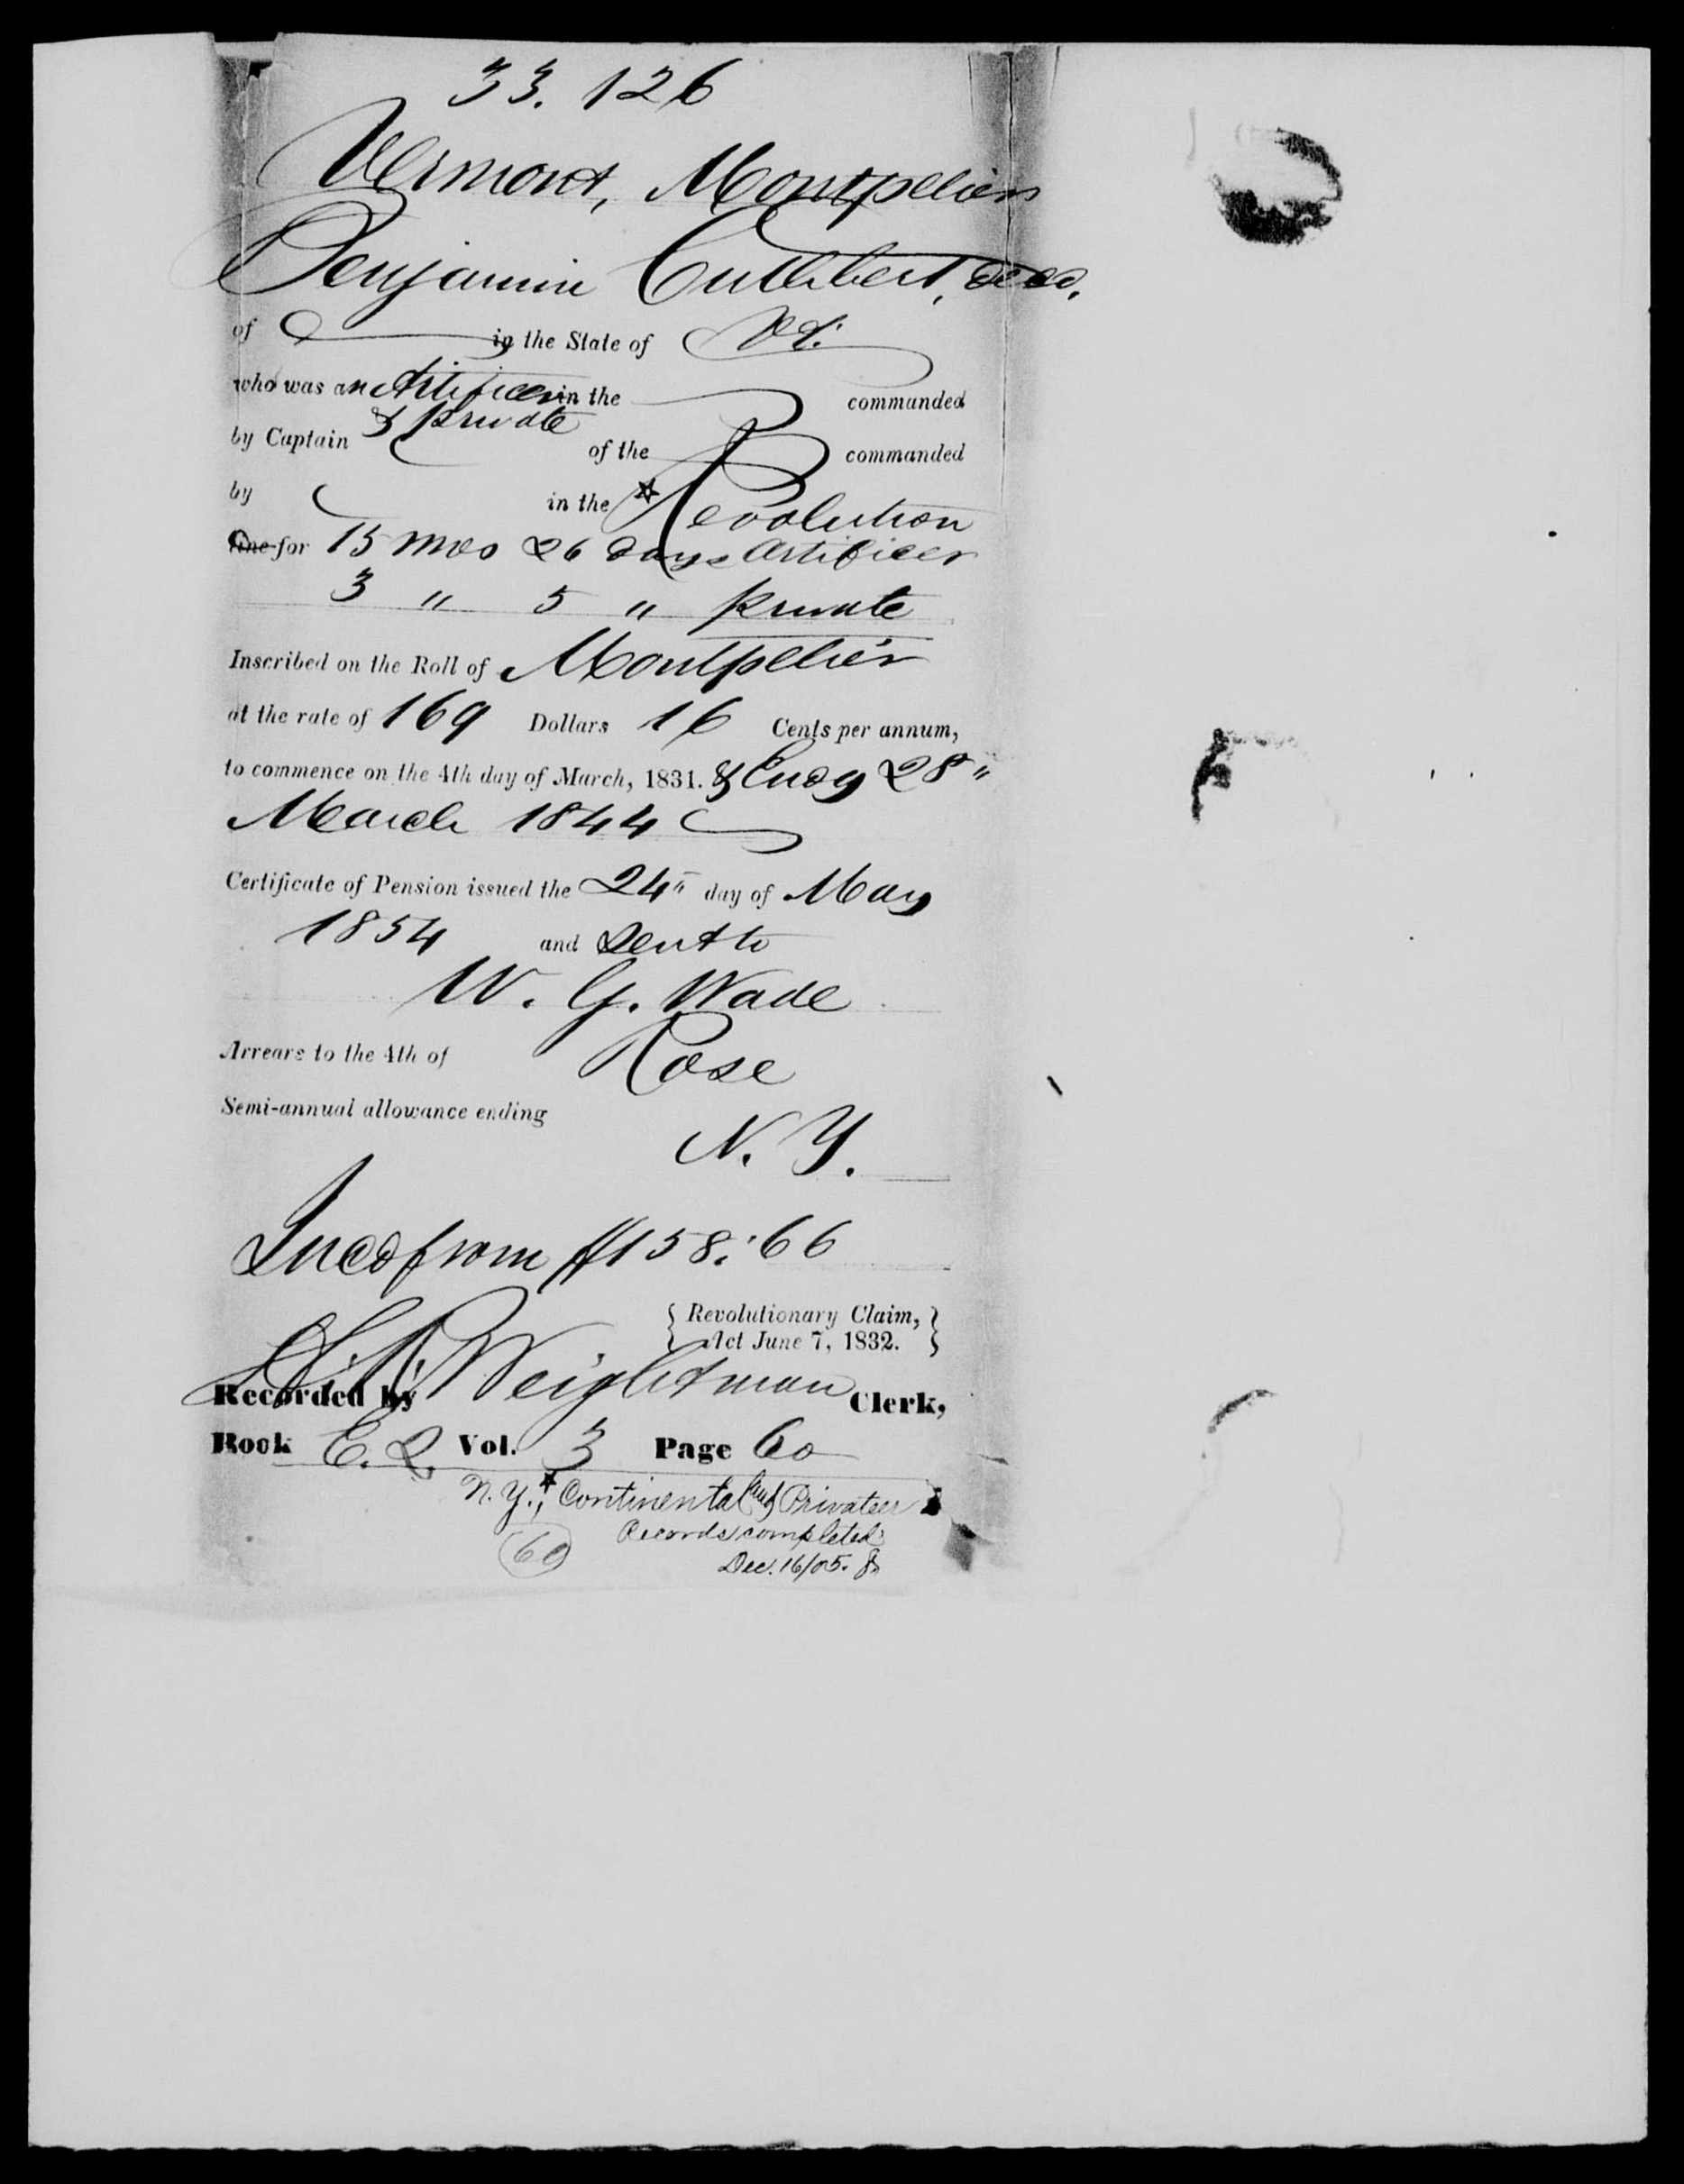33.126
Vermont, Montpelier
Benjamin Cuthbert, decd,
of [blank] in the State of Vt
who was an Artificer & private in the [blank] commanded
by Captain [blank] of the [blank] commanded
by [blank] in the Revolution
for 13 mos 25 days Artificer
3 [mos] 5 [days] Private
Inscribed on the Roll of Montpelier
at the rate of 169 Dollars 16 Cents per annum,
to commence on the 4th day of March, 1831. & [illegible] 28"
March 1844
Certificate of Pension issued the 24th day of May
1854 and sent to 
W. G. Wade. Rose N.Y.
Arrears to the 4th of 
Semi-annual allowance ending
Inco from [illegible] 58.66
{Revolutionary Claim,
Act June 7, 1832.}
Recorded by H.R. Weightman, Clerk,
Book E2 Vol. 3 Page 60
N.Y.,* Continental and Privateer
Records completed
Dec. 16/05. [illegible]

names: W G Wade, Benjamin Cuthbert, H R Weightman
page: 2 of 41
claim: survivor's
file: S. 12654, Benjamin Cuthbert, Continental New York Privateer